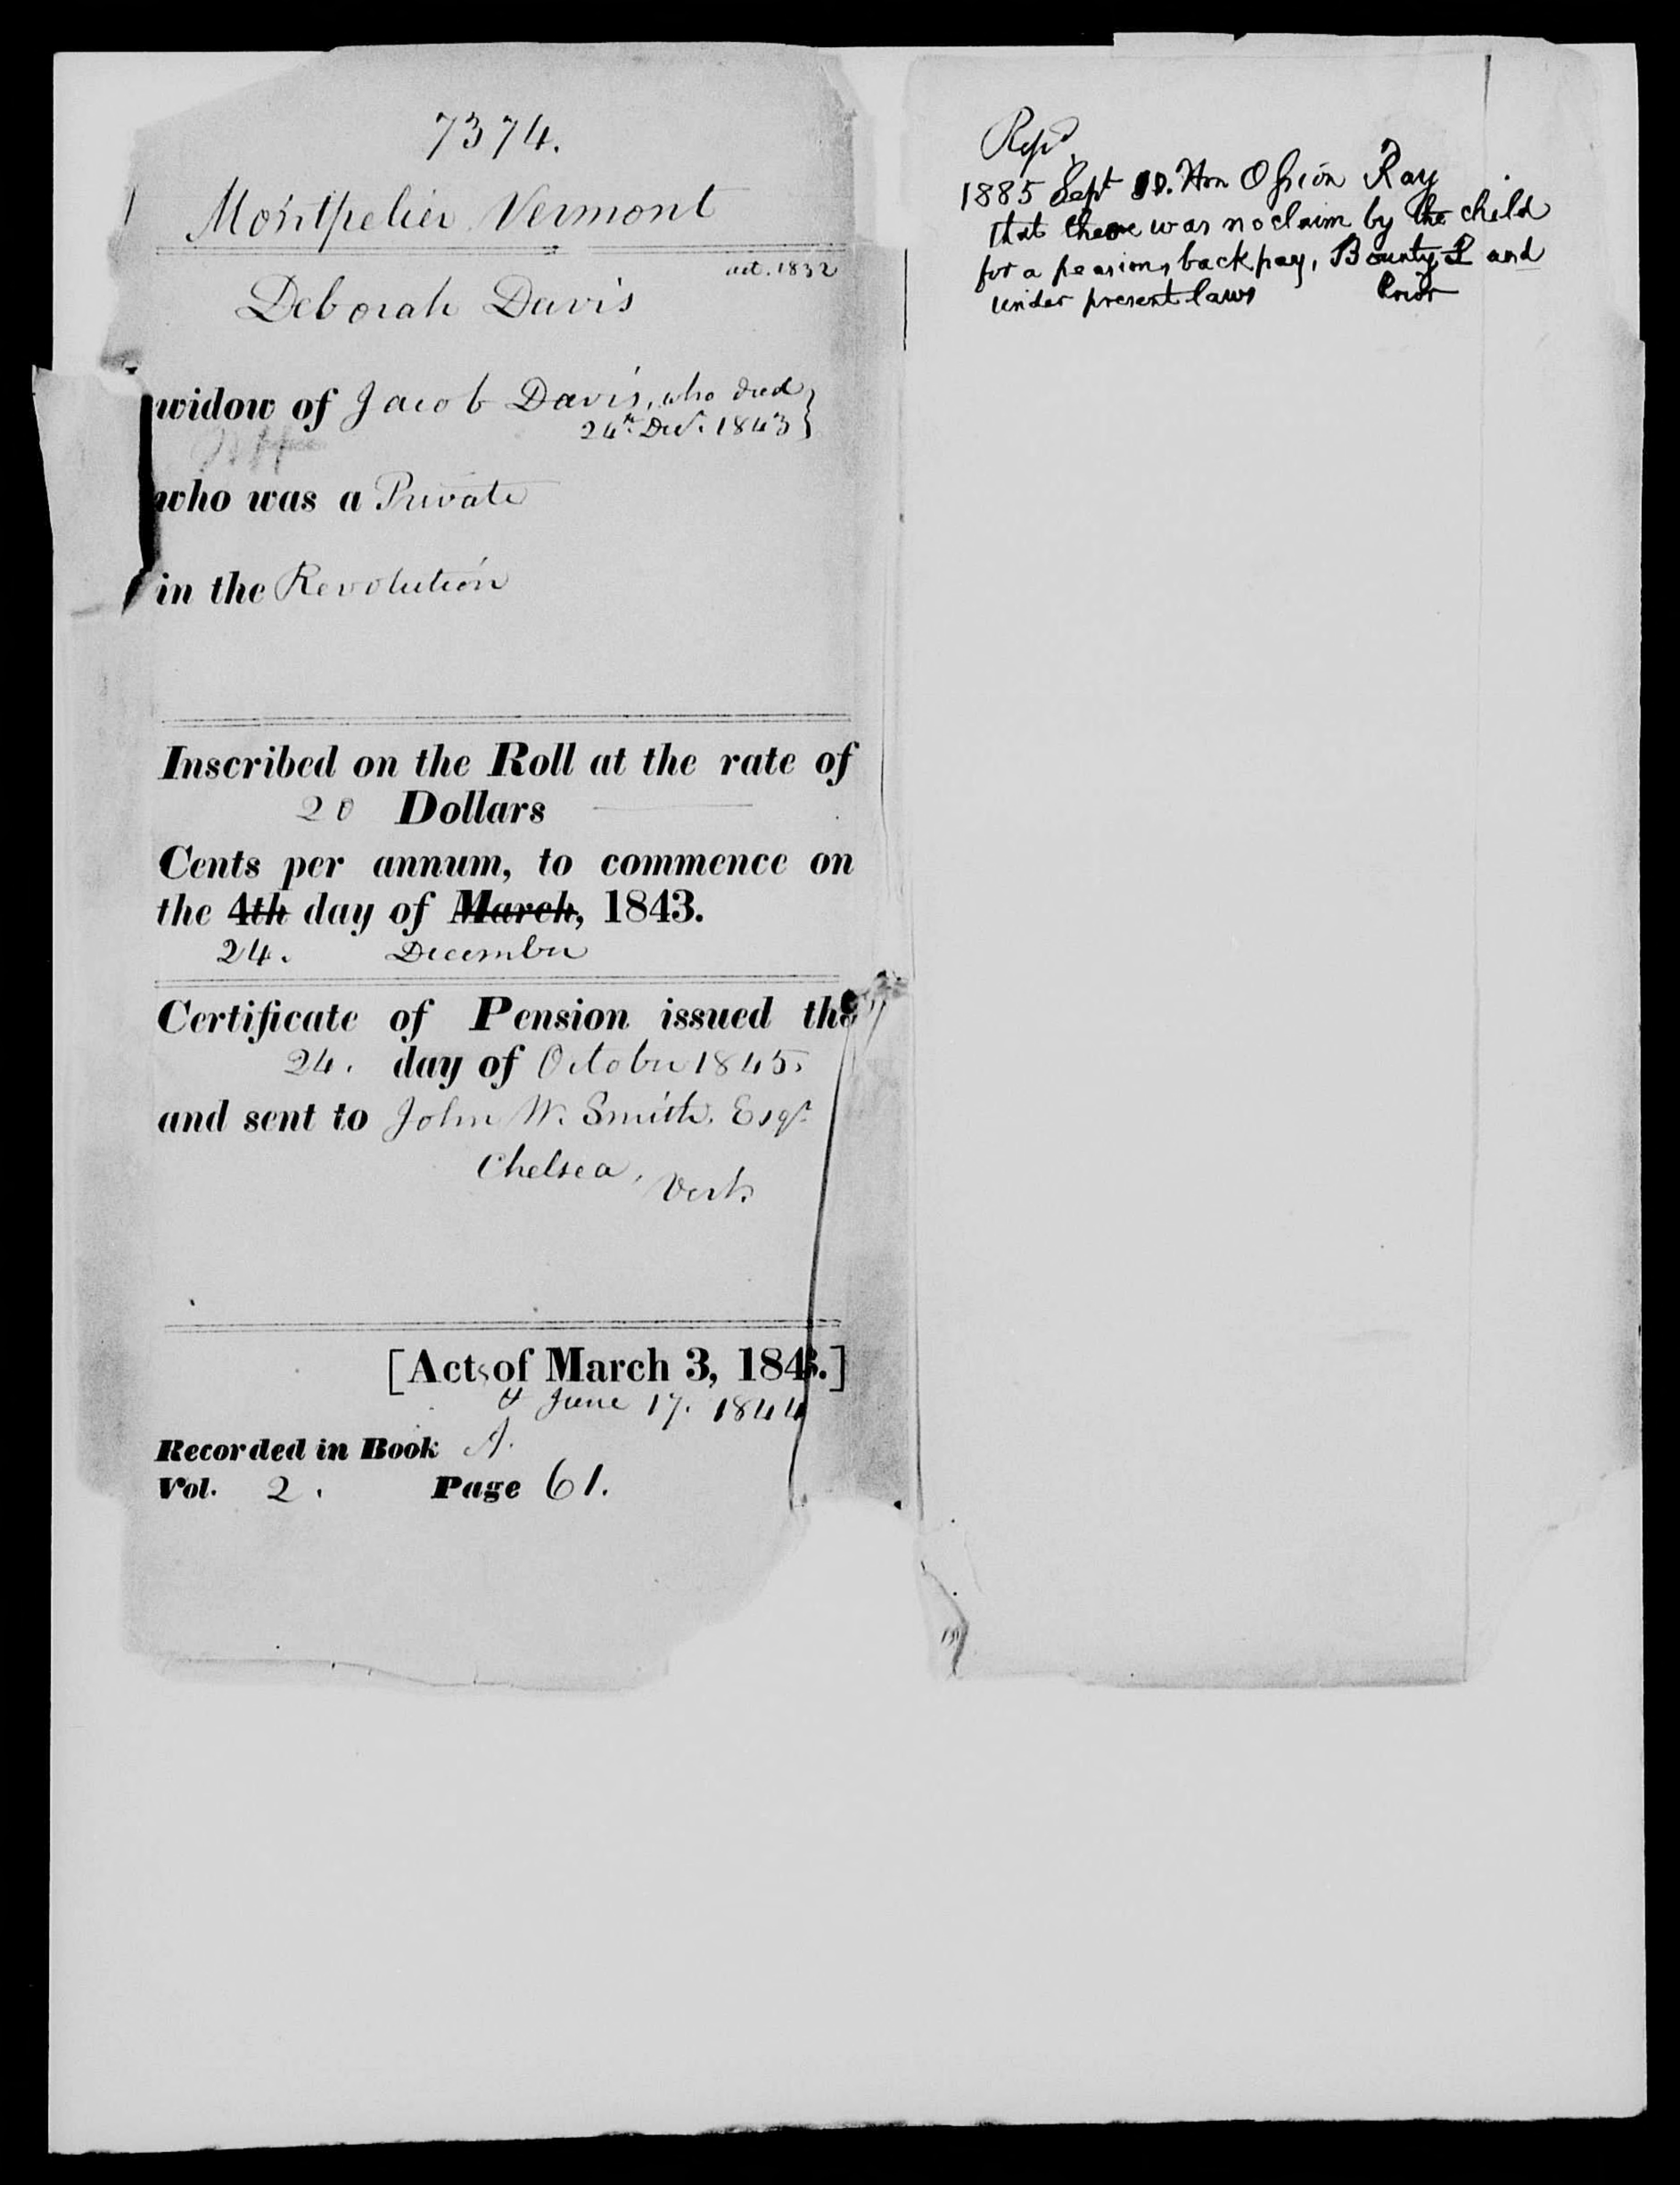7374
Montpelier Vermont
act 1832
Deborah Davis
widow of Jacob Davis, who died
26th Dec 1843 who was a Private
in the Revolution
Inscribed on the Roll at the rate of
20 Dollars [blank] Cents per annum, to commence on
[crossed out] 4th day of March, 1843.
24. [day of] December [1843.]
Certificate of Pension issued the 24.
day of October 1845.
and sent to John W. Smith, Esqr
Chelsea, Vert [Vermont]
(Act of March 3, 1843
and June 17, 1844
Recorded in Book A. Vol 2. Page 61.
[right side]
Repd
1885 Sept 10. Hon Ossion Ray
that there was no claim by the child
for a pensions back pay, Bounty Land
under present laws
Prior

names: Deborah Davis, Jacob Davis, Ossion Ray, John W Smith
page: 11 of 47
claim: widow's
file: W. 24043, Jacob Davis, N.H.